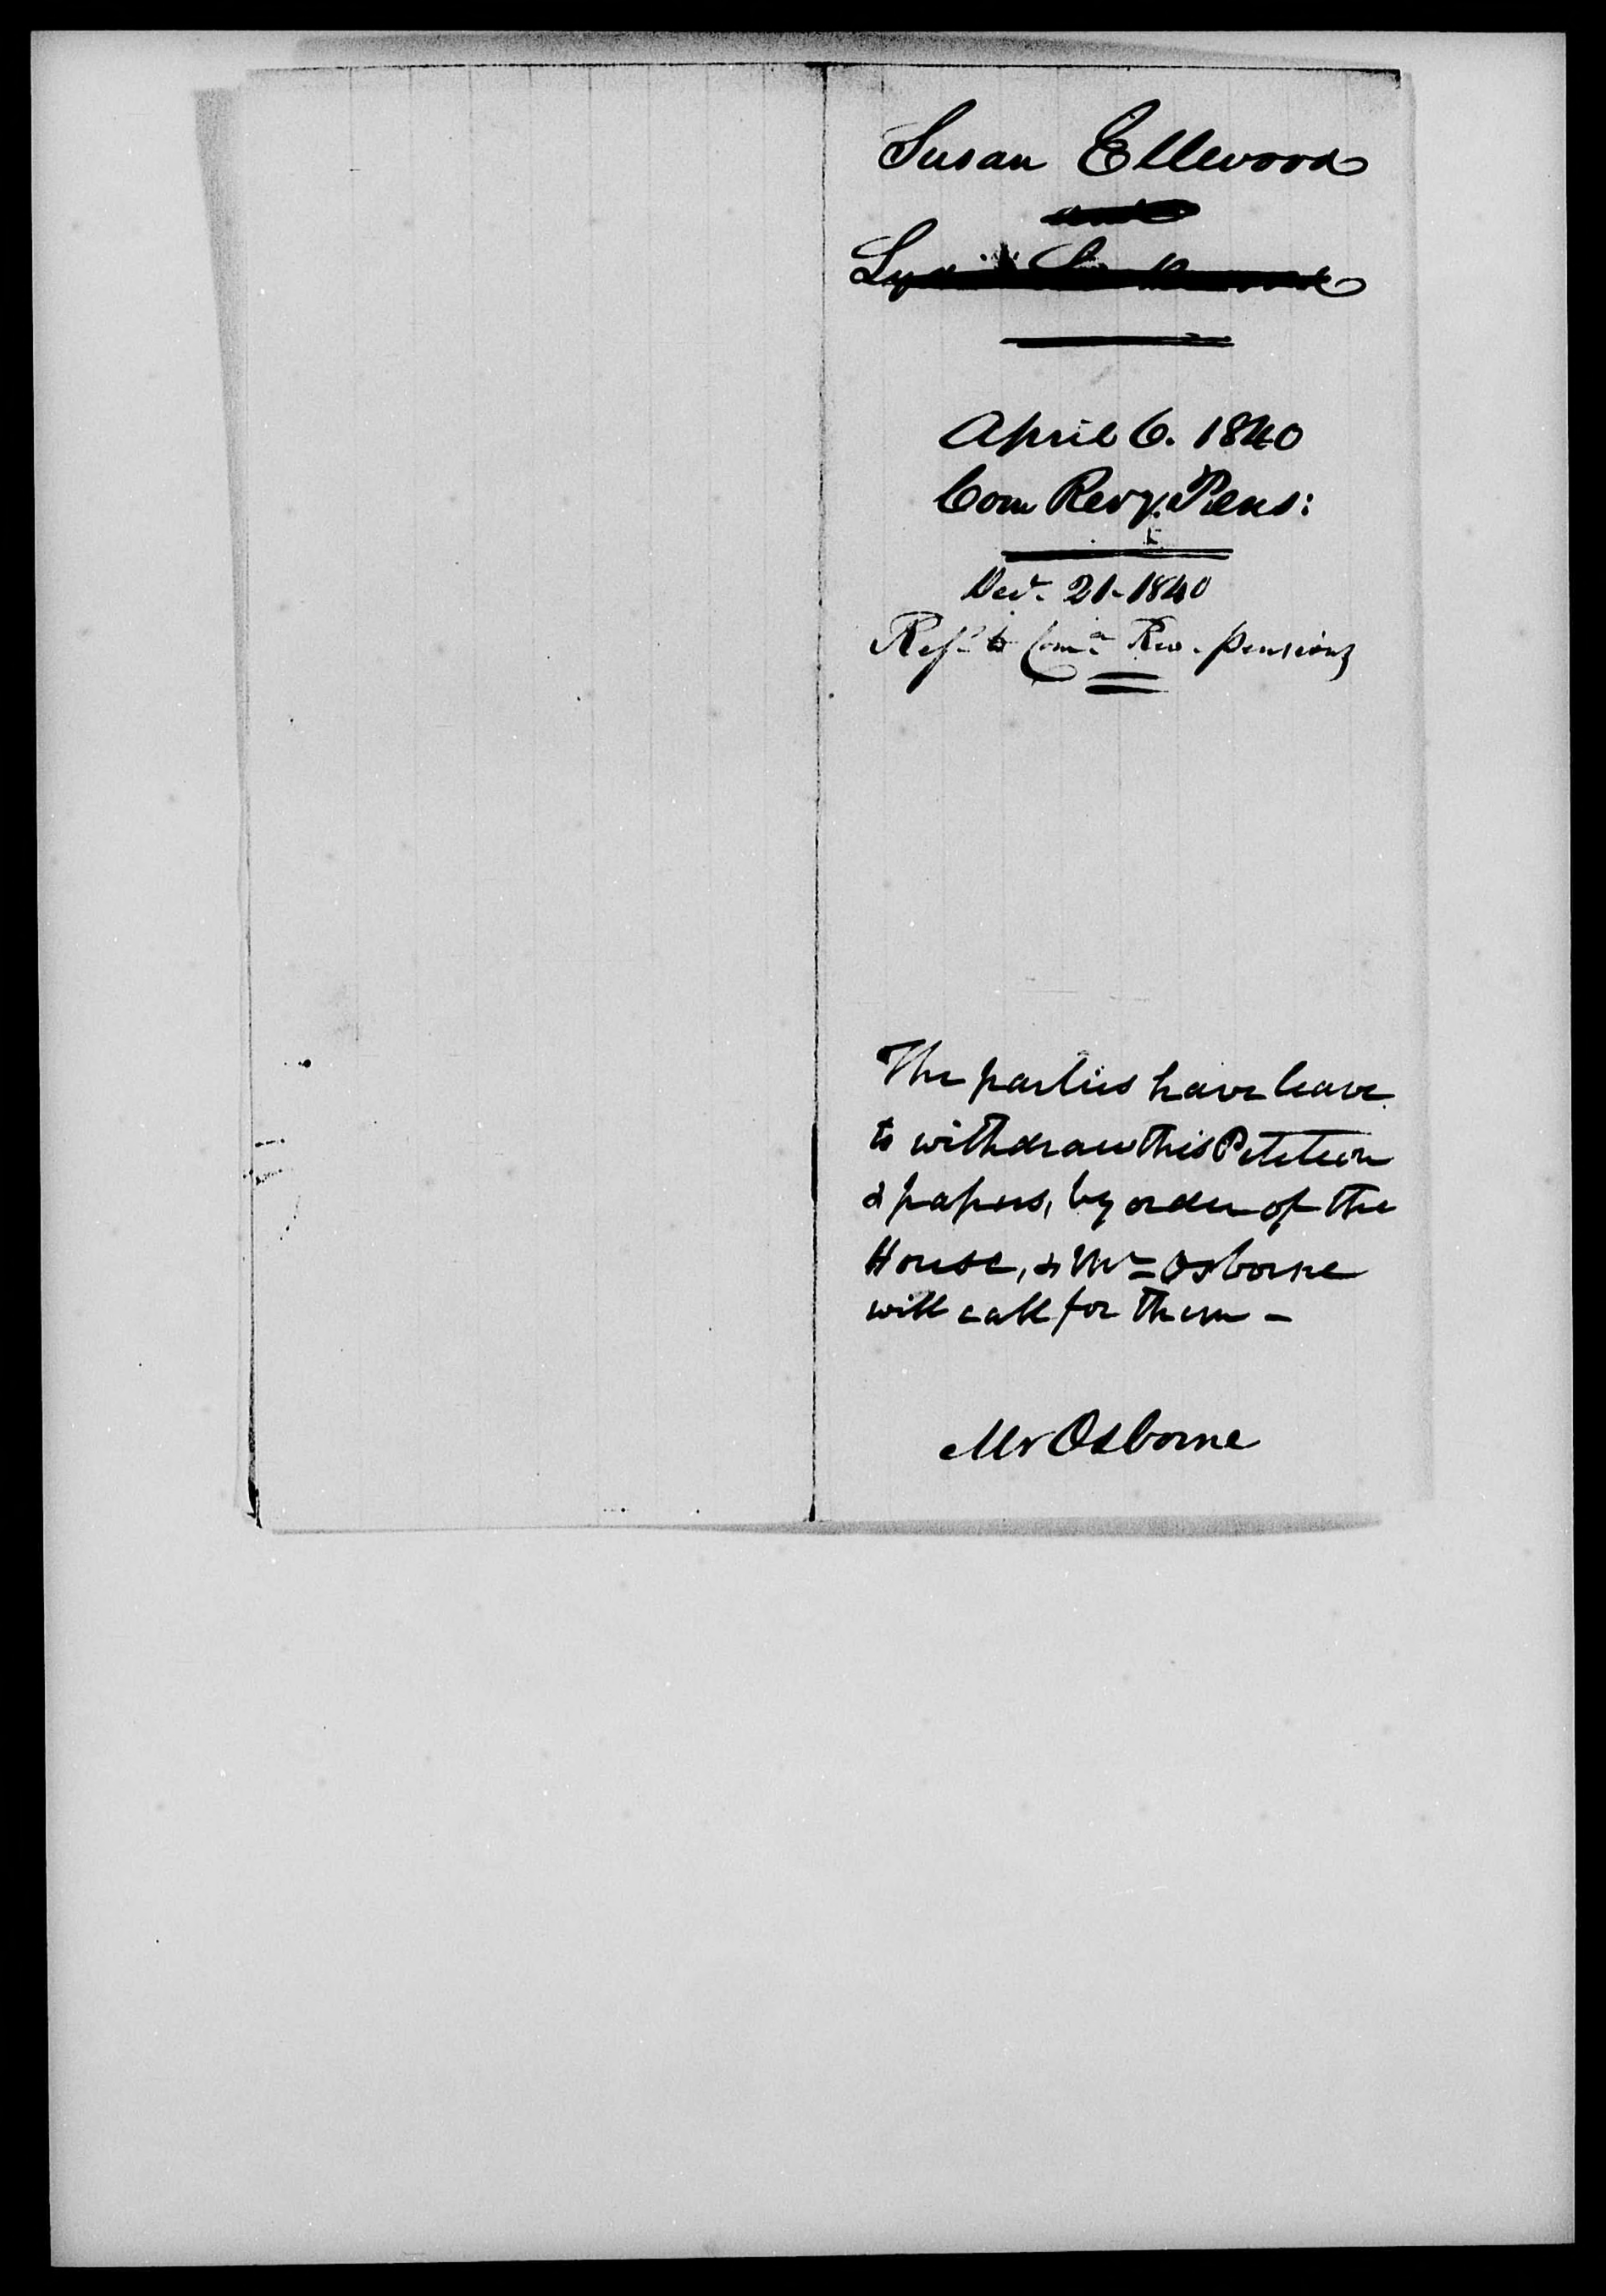Susan Ellwood

April 6, 1840
Com Rev Pens:
Dec 21 1840
Ref to Comm Rev pensions


The parties have leave to withdraw this petition & papers by order of the House & Wm Osborne will call for them.

Mr Osborne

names: Susan Ellwood, Osborne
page: 29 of 69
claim: widow's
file: W. 25562, Abijah Elwood, Conn.